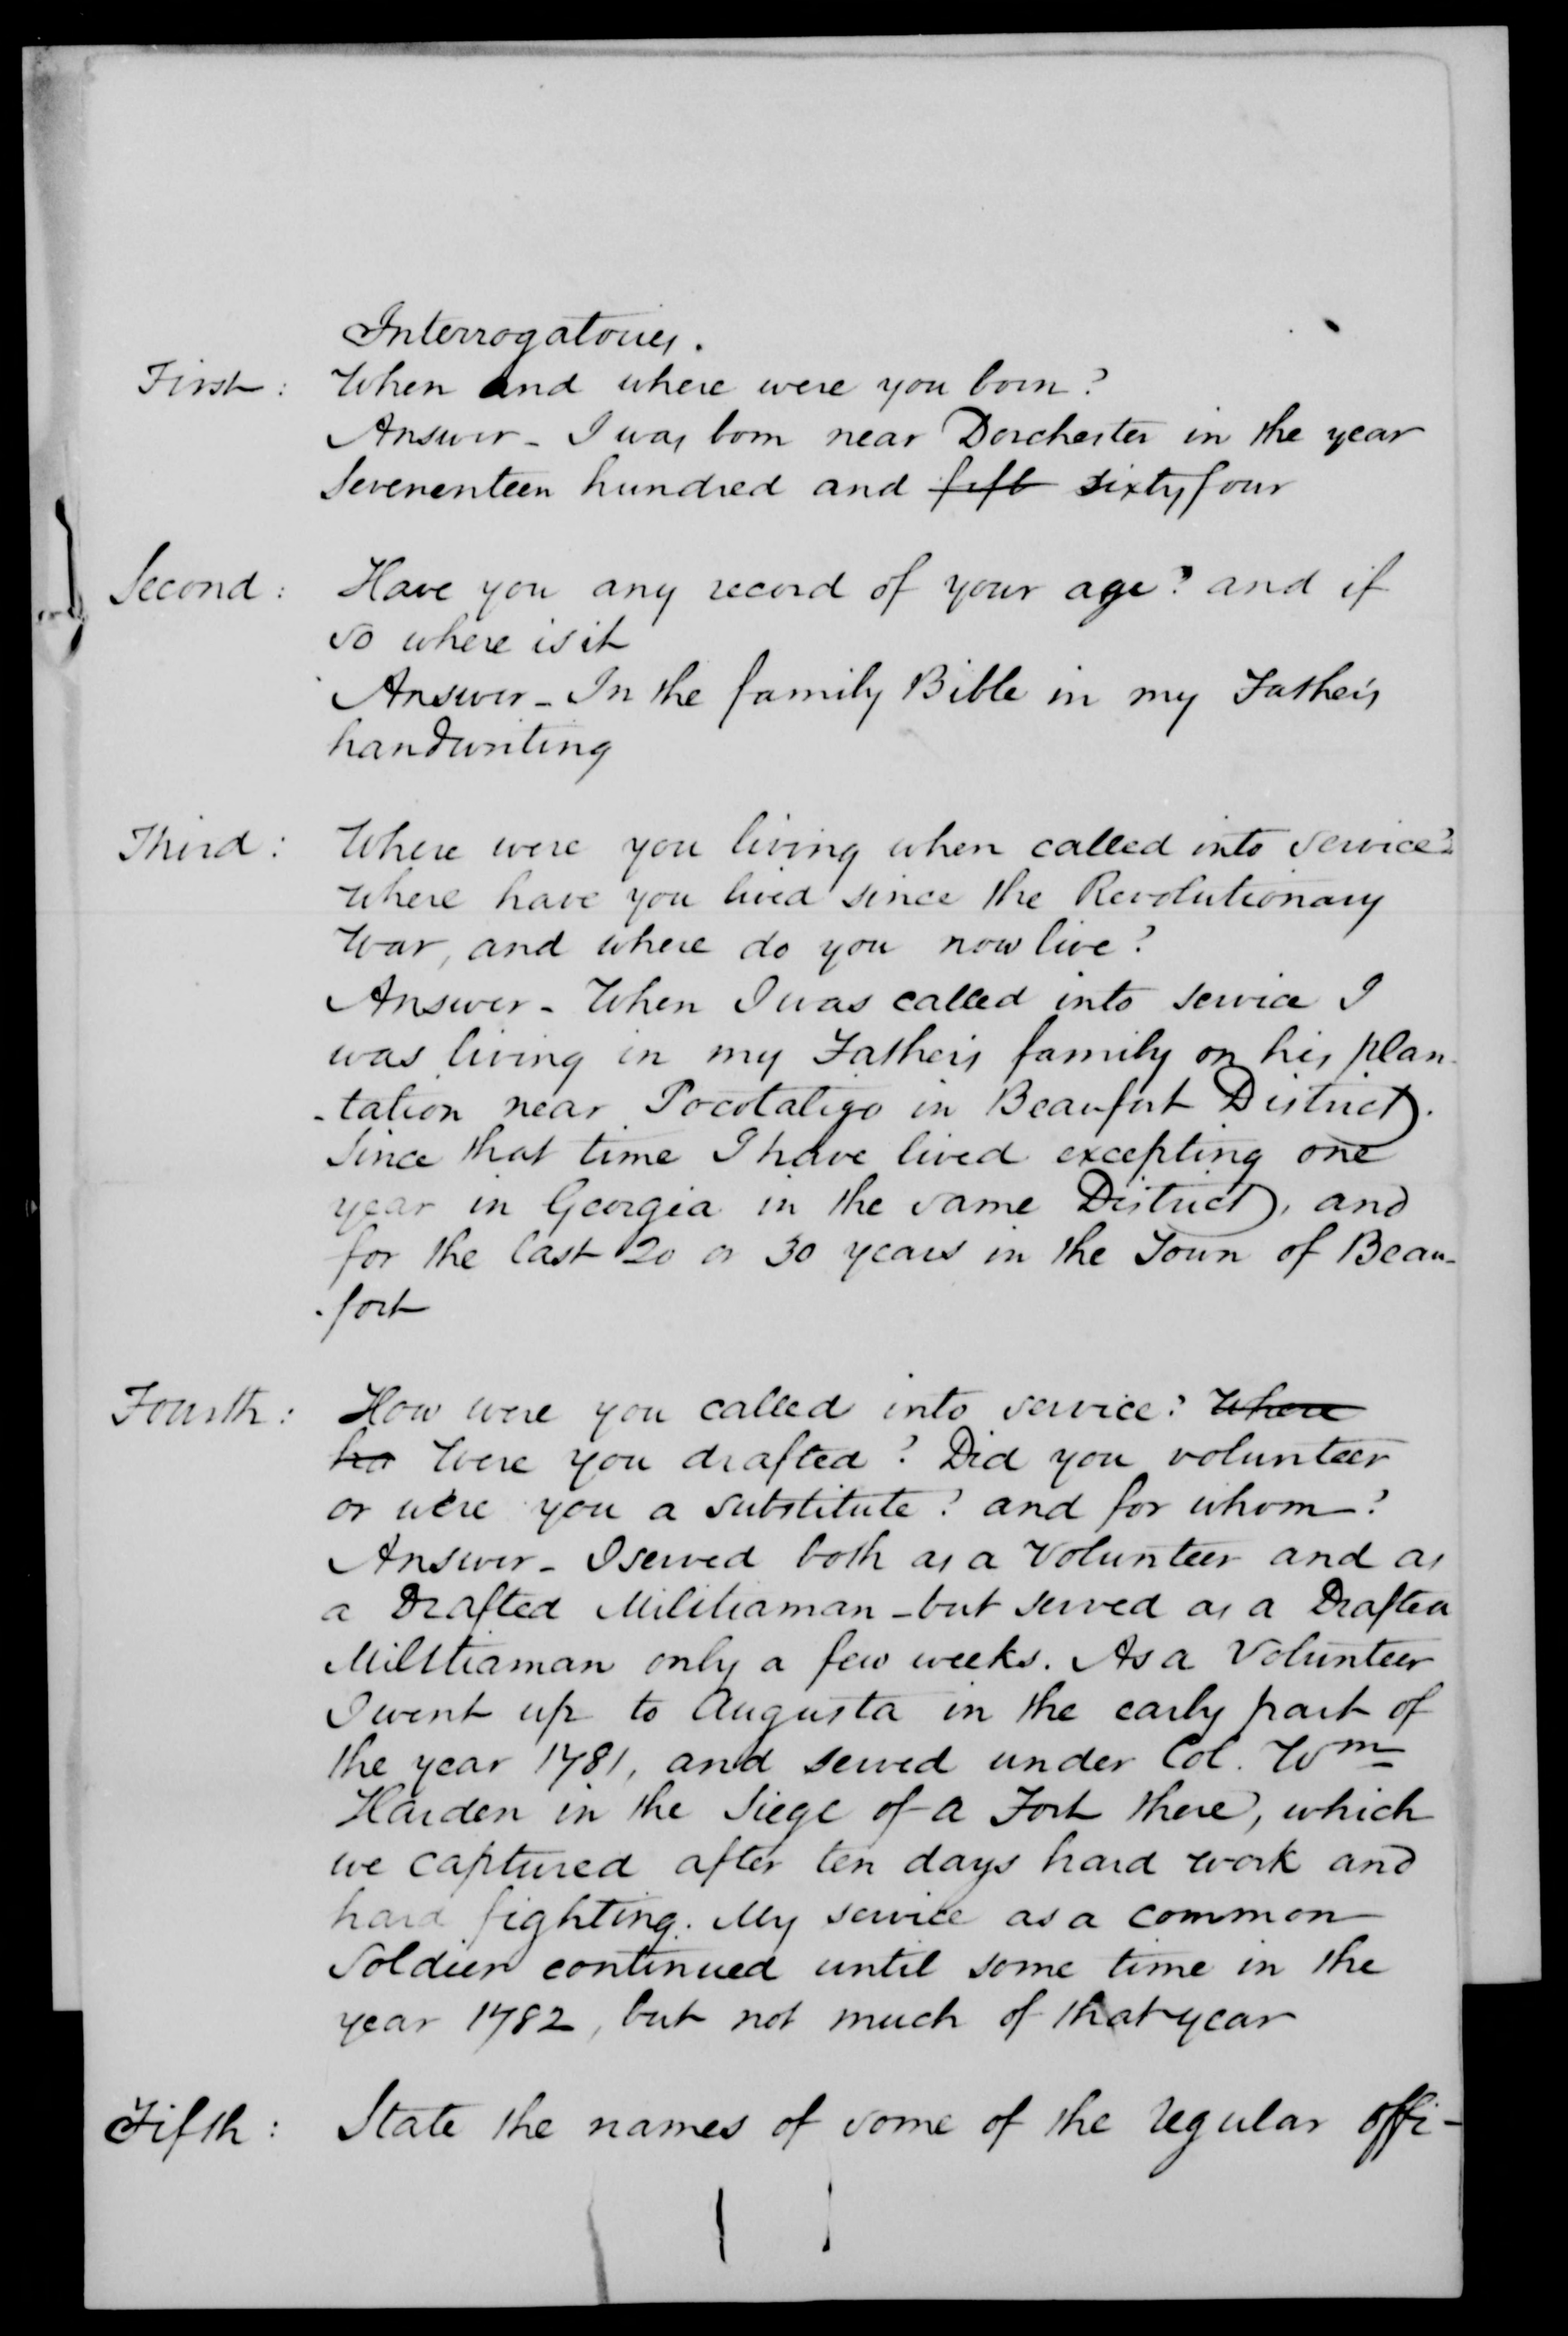Interrogatories.
First: When and where were you born? 
Answer: I was born near Dorchester in the year Seventeen hundred and sixty four
Second: Have you any record of your age? And if so where is it?
Answer: In the family Bible in my Father's handwriting.
Third: Where were you living when called into service? Where have you lived since the Revolutionary War, and where do you now live?
Answer: When I was called into service I was living in my Father's family on his plantation near Pocotaligo in Beaufort District. Since that time I have lived excepting one year in Georgia in the same District, and for the last 20 or 30 years in the Town of Beaufort.
Fourth: How were you called into service? Were you drafted? Did you volunteer or were you a substitute? And for whom?
Answer: I served both as a volunteer and a drafted militiaman, but served as a drafted militiaman only a few weeks. As a Volunteer I went up to Augusta in the early part of the year 1781, and served under Colonel Wm. Harden in the Siege of a Fort there, which we captured after ten days hard work and hard fighting. My service as a common soldier continued until some time in the year 1782, but not much of that year.
Fifth: State the names of some of the regular offi-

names: Wm Harden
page: 6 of 21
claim: rejected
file: R. 9875, for William Smith, South Carolina